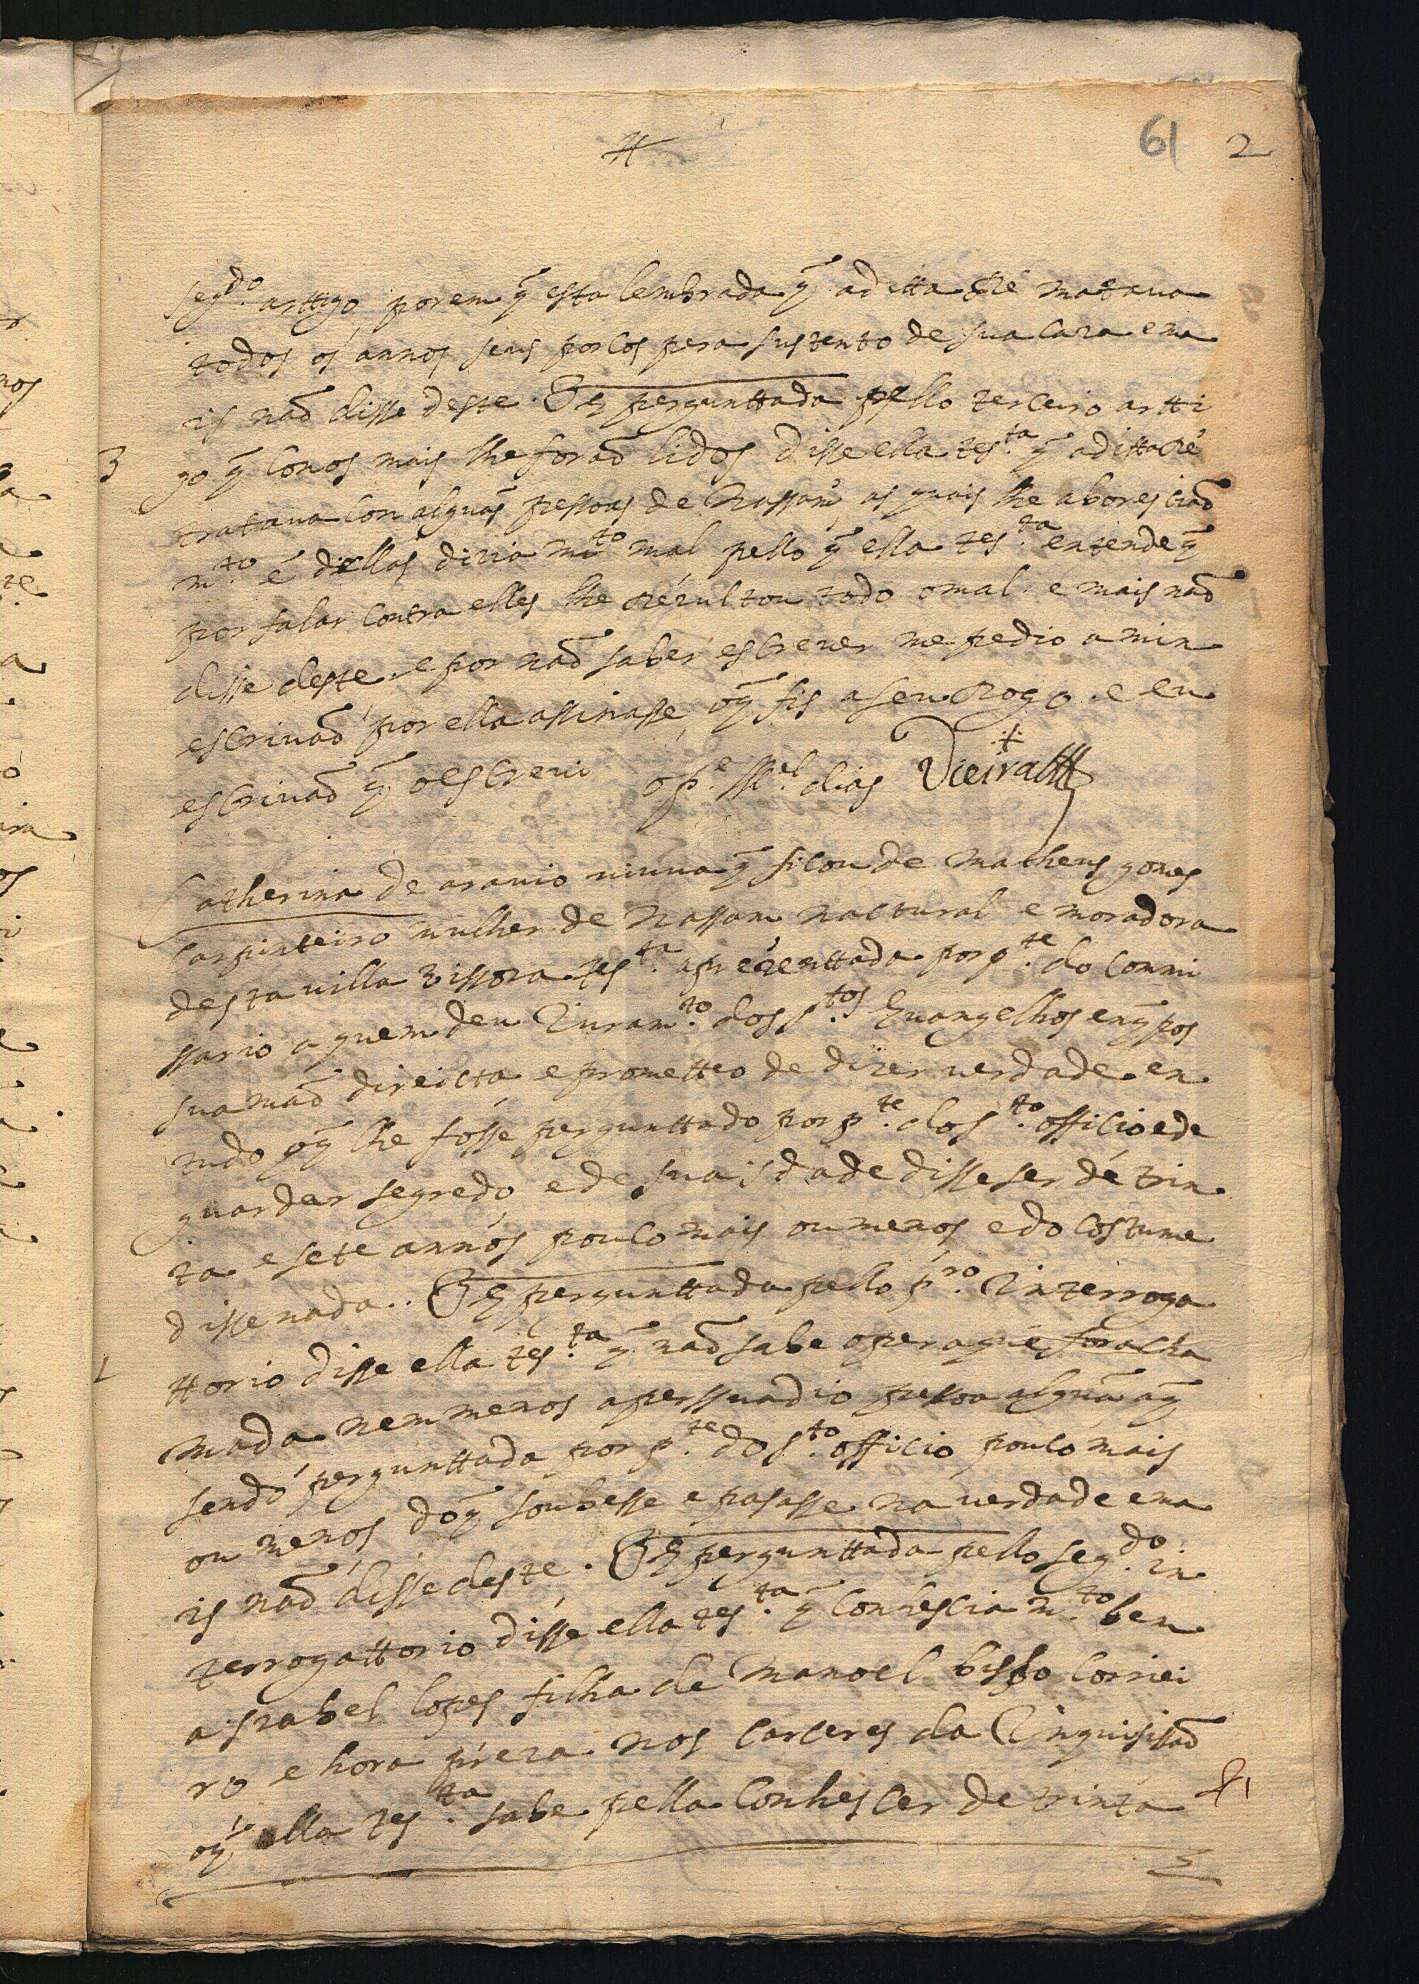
segdo. arttigo, porem q̄ esta lembrada q̄ a ditta Ré mataua
todos os annos seus porcos pera sustento de sua caza e ma
is não disse deste. item E pergunttada pello terceiro artti
go q̄ Con os mais lhe forão lidos disse ella tes.ta q̄ a ditta Ré
trataua con alguas̄ pessoas de Nassam, as quais lhe aborescião
mto. e dellas dizia mto mal, pello q̄ ella tes.ta entende q̄
por falar contra elles lhe Rezultou todo o mal e mais não
disse deste, e por não saber escreuer me pedio a min
escriuão por ella assinasse, o q̄ fis a seu Rogo. e eu
escriuão q̄ o escreui. o p.e M.el dias
Catherina de arauio uiuua q̄ ficou de Matheus gomes
carpinteiro mulher de Nassam, natural e moradora
desta uilla Vissoza testa. aprezenttada por p.te do commi
ssario a quem deu Iuram.to dos S.tos Euangelhos en q̄ pos
sua mão direicta, e prometteo de dizer uerdade en
tudo o q̄ lhe fosse pergunttado por pte. do Sto. offiÇio e de
guardar segredo, e de sua jdade disse ser de trin
ta e sete annos pouco mais ou menos, e do costume
disse nada. item E pergunttada pello pro. Interroga
ttorio disse ella test.ta q̄ não sabe o pera que fora cha
mada, nem menos a perssuadio pessoa alguā a q̄
sendo pergunttada por p.te do S.to officio pouco mais
ou menos, do q̄ soubesse e pasasse na uerdade e ma
is não disse deste. item E pergunttada pello seg.do in
terrogattorio disse ella tes.ta q̄ Conhescia m.to bem
a Jzabel lopes, filha de Manoel bispo Corriei
ro, e hora preza nos carceres da Inquisissão
o q̄ _lla tes.ta sabe pella Conhescer de trinta
